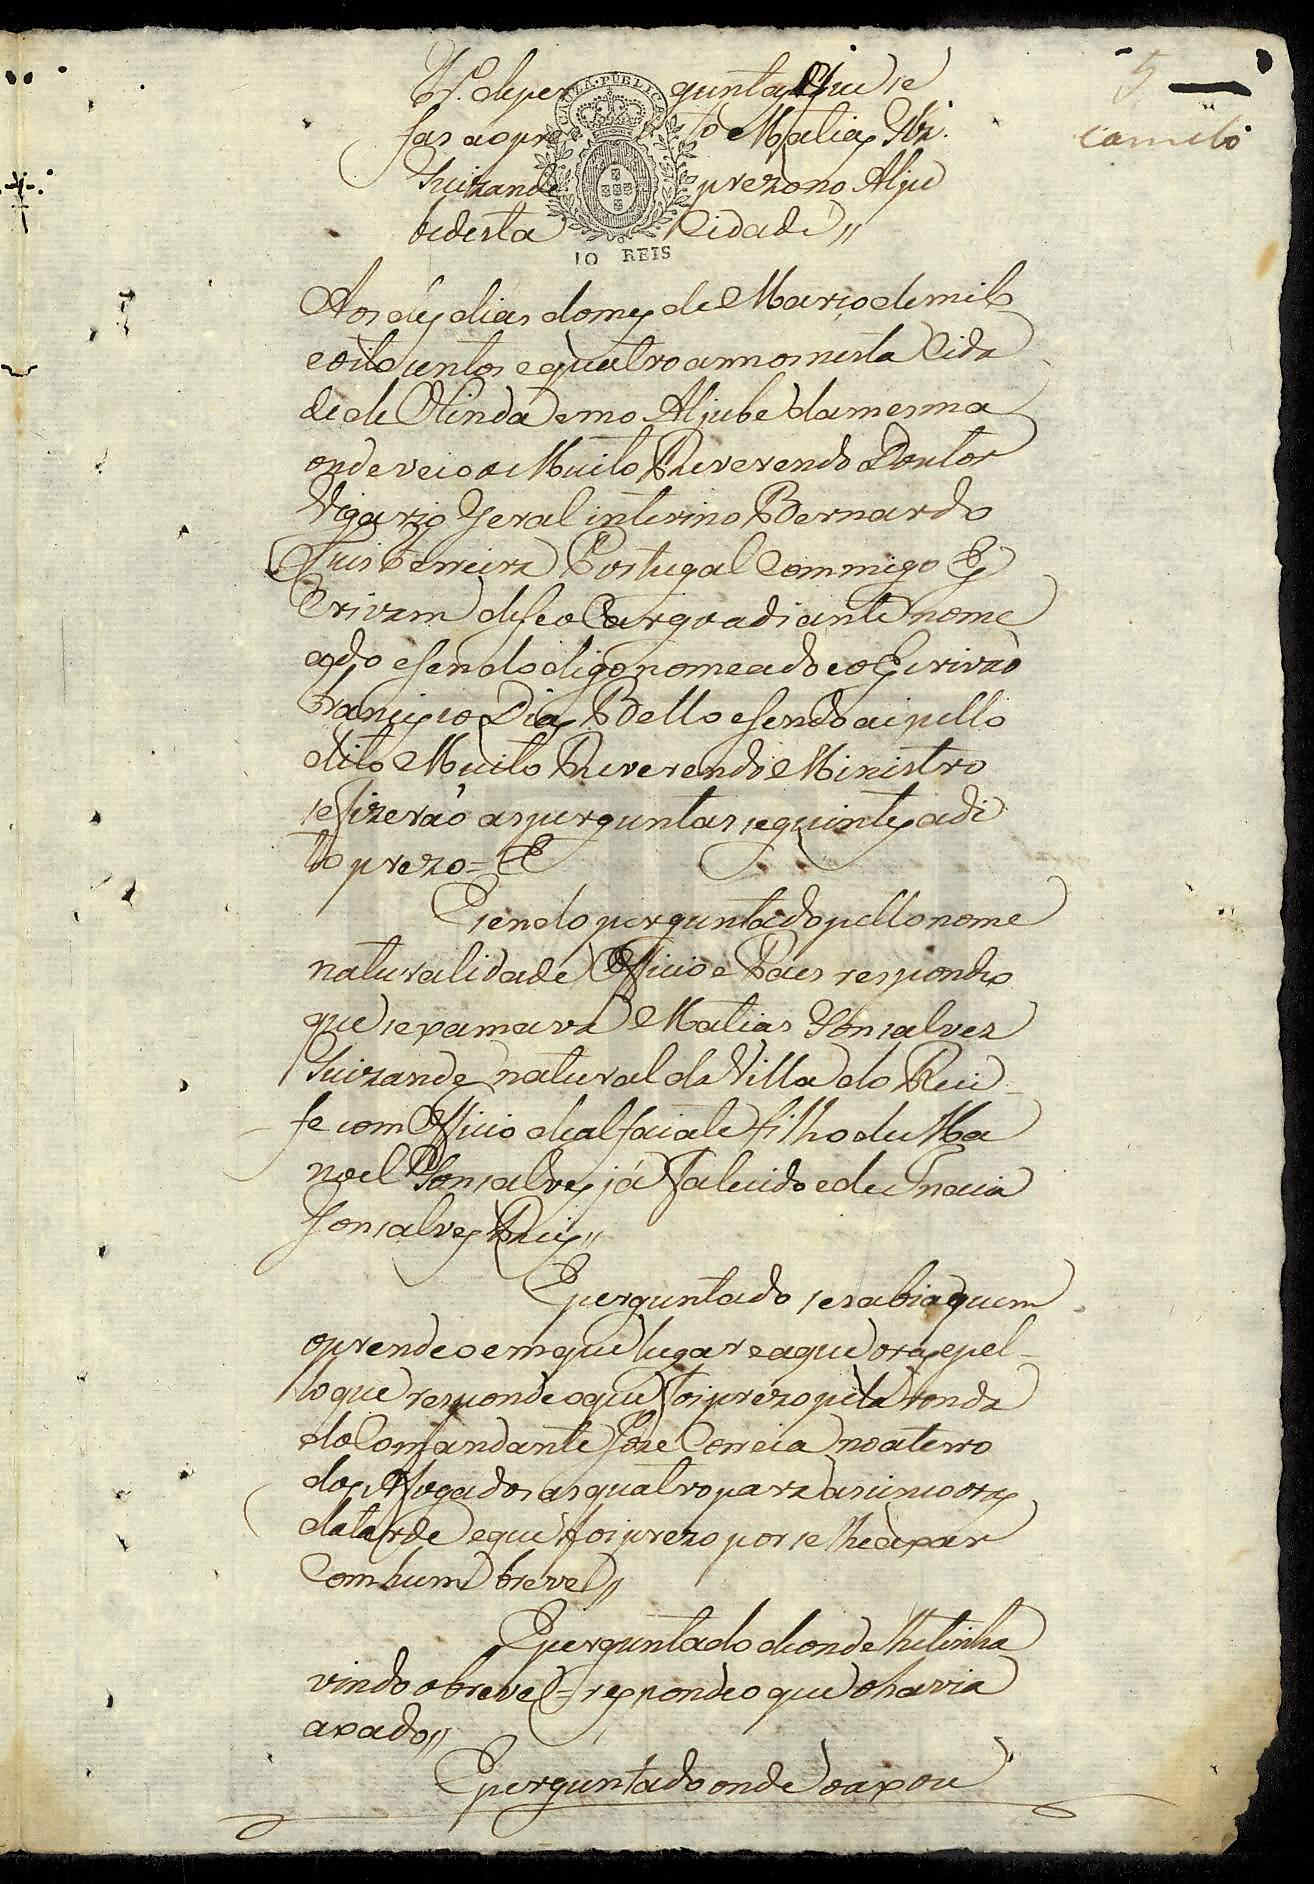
Tr.o de per
gunta que se
fas ao pre
to Matias Glz.
Guizande
prezo no Alju
be desta
Cidade//
Aos des dias do mes de Março de mil
e oitecentos e quatro annos nesta Cida
de de Olinda e mo Aljube da mesma
onde veio o Muito Reverendo Doutor
Vigario Geral interino Bernardo
Luis Ferreira Portugal commigo Es
crivam de seo Cargo adiante nome
ado e sendo digo nomeado e o Escrivaõ
Francisco Dias Bello e sendo ai pello
dito Muito Reverendo Ministro
se fizeraõ as perguntas seguintes a di
do prezo=Etc
E sendo perguntado pello nome
naturalidade Officio e Paes respondeo
que se xamava Matias Gonsalvez
Guizande natural da Villa do Reci
fe com Officio de alfaiate filho de Ma
noel Gonsalves já falecido e de Inacia
Gonsalves Reis//
E perguntado se sabia quem
o prendeo em que lugar e a que oras e pel
lo que responde o que foi prezo pela Ronda
do Comandante Joze Correia no aterro
dos Afogados as quatro para as sinco oras
da tarde e que foi prezo por se lhe axar
Com hum breve//
E perguntado de onde lhe tinha
vindo o breve = respondeo que o havia
axado//
E perguntado onde o axou
camilo
5
